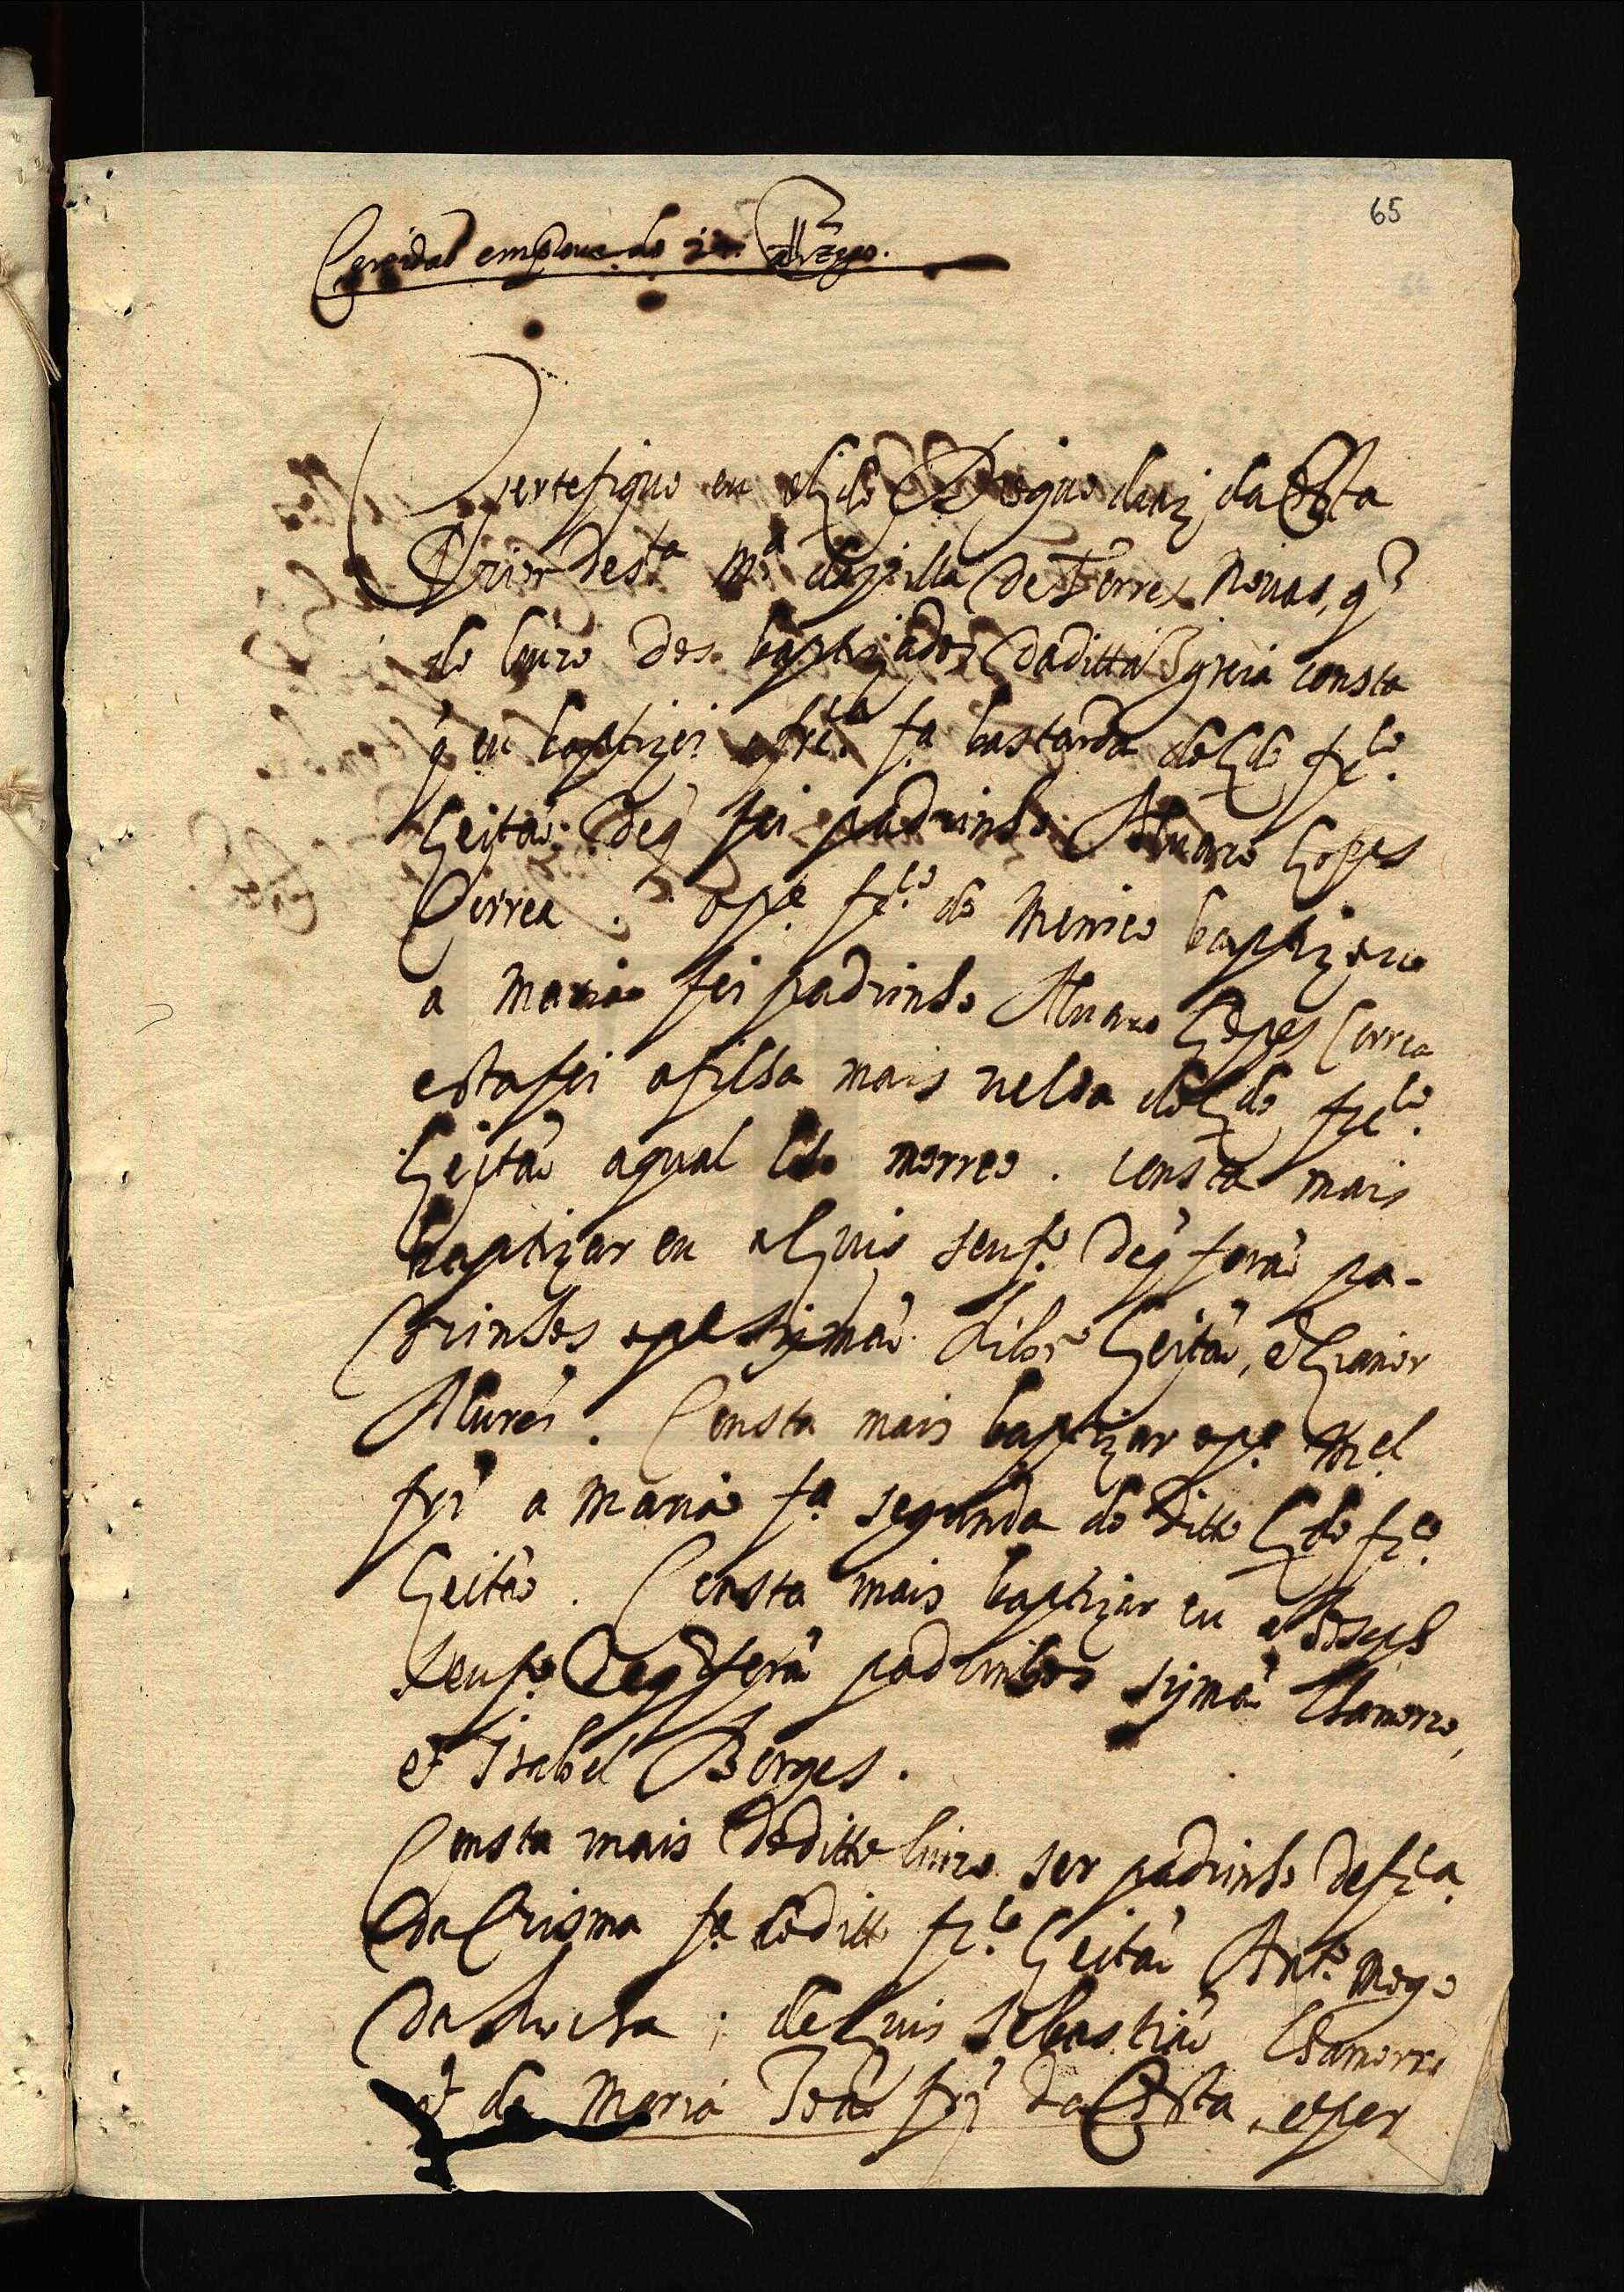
Certidaõ em proua do 24. artigo.
Certefiquo eu o Ldo Dioguo diaz da Costa
Prior de s.ta m.a da Villa de Torres nouas, q̄
do liuro dos baptizados da ditta Igreia consta
q̄ eu baptizei a frc.ca f.a bastarda do Ldo frco.
Leitaõ de q̄ foi padrinho Aluaro Lopes
Correa. o p.e fr.co domenico baptizou
a Maria foi padrinho Aluaro Lopes Correa
esta foi a filha mais uelha do Ldo frcco.
Leitaõ a qual lhe morreo. consta mais
baptizar eu a Luis seu f.o de q̄ foraõ pa
drinhos, o pe symaõ Ribro Leitaõ, e Lianor
Alures̄. Consta mais baptizar o p.e me.l
frz̄ a maria fa. segunda do ditto Ldo frco.
Leitaõ. Consta mais baptizar eu a Joseph
seu f.o de q̄ foraõ padrinhos symaõ Chamorro,
& Isabel Borges.
Consta mais do ditto liuro ser padrinho de frca.
da Crisma f.a do ditto fr.co Leitaõ Ant.o mogo
da Rocha, de Luis sebastiaõ Chamorro
& de maria Ioaõ frz̄ da Costa, e per
